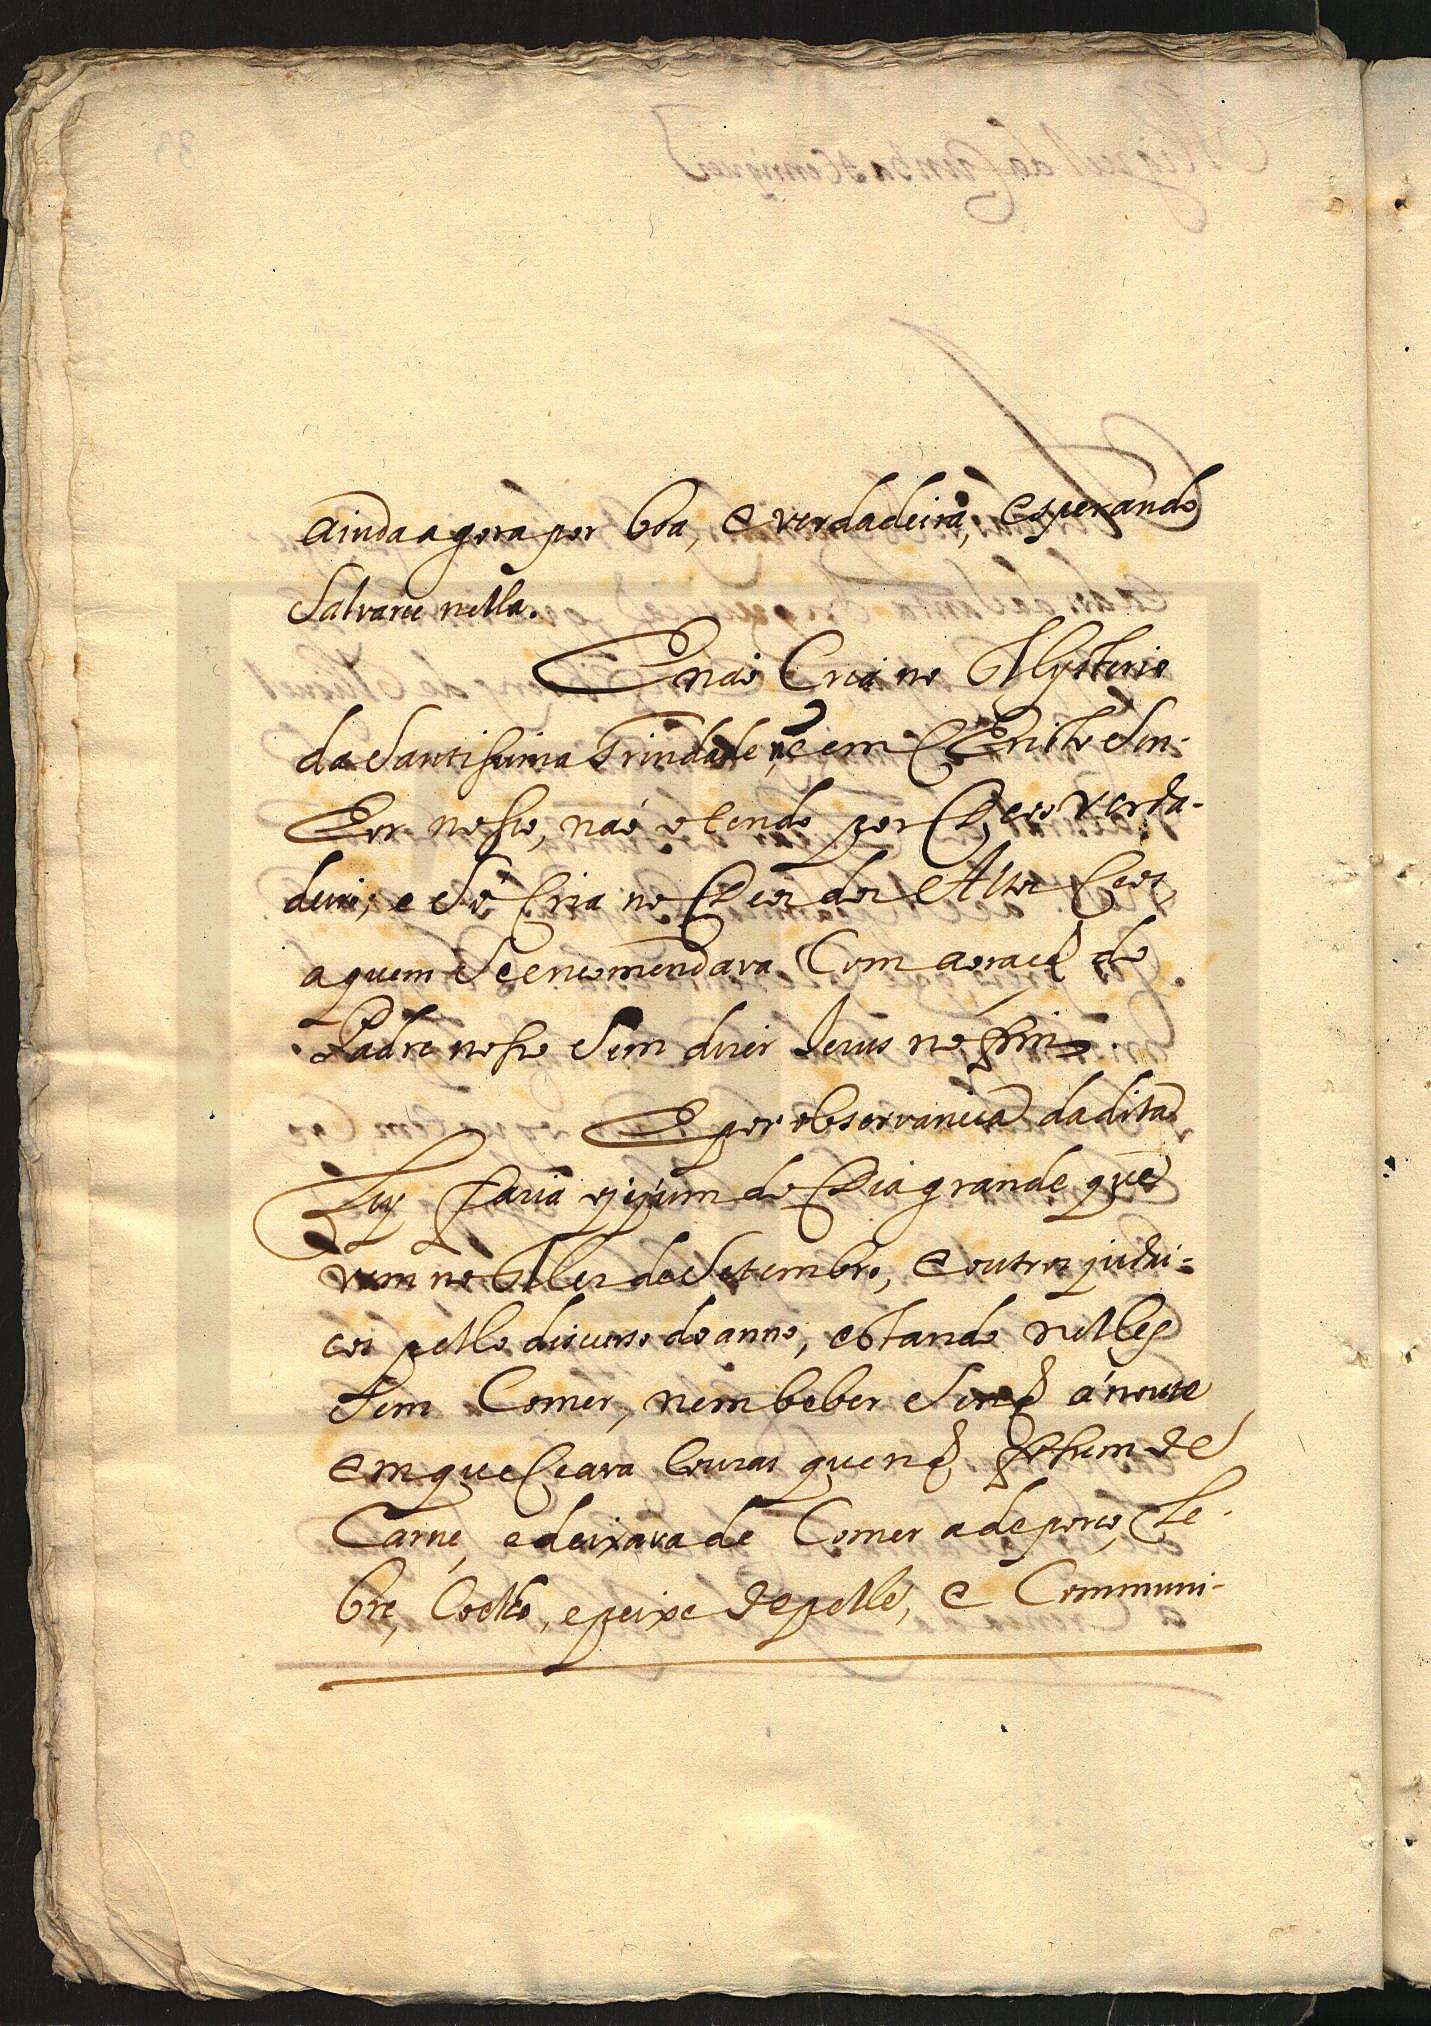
ainda agora por boa, e verdadeira, esperando
Salvarce nella.
E naõ Cria no Mysterio
da Santissima Trindade, nē em Christo Sen
hor nosso, naõ o tendo por Deos verda
deiro; e Só Cria no Deos dos Altoz Ceos,
a quem Se encomendava Com a oraçaõ do
Padre nosso Sem dizer Iezus no fim.
E por observancia da dita
Ley fazia o jejum do Dia grande que
vem no Mez de Setembro, e outros judai
cos pello discurso do anno, estando nelles
Sem Comer, nem beber Senaõ á noute
em que Ceara Couzas que naõ fossem de
Carne, e deixava de Comer a de porco, Le
bre, Coelho, e peixe de pelle, e Communi
